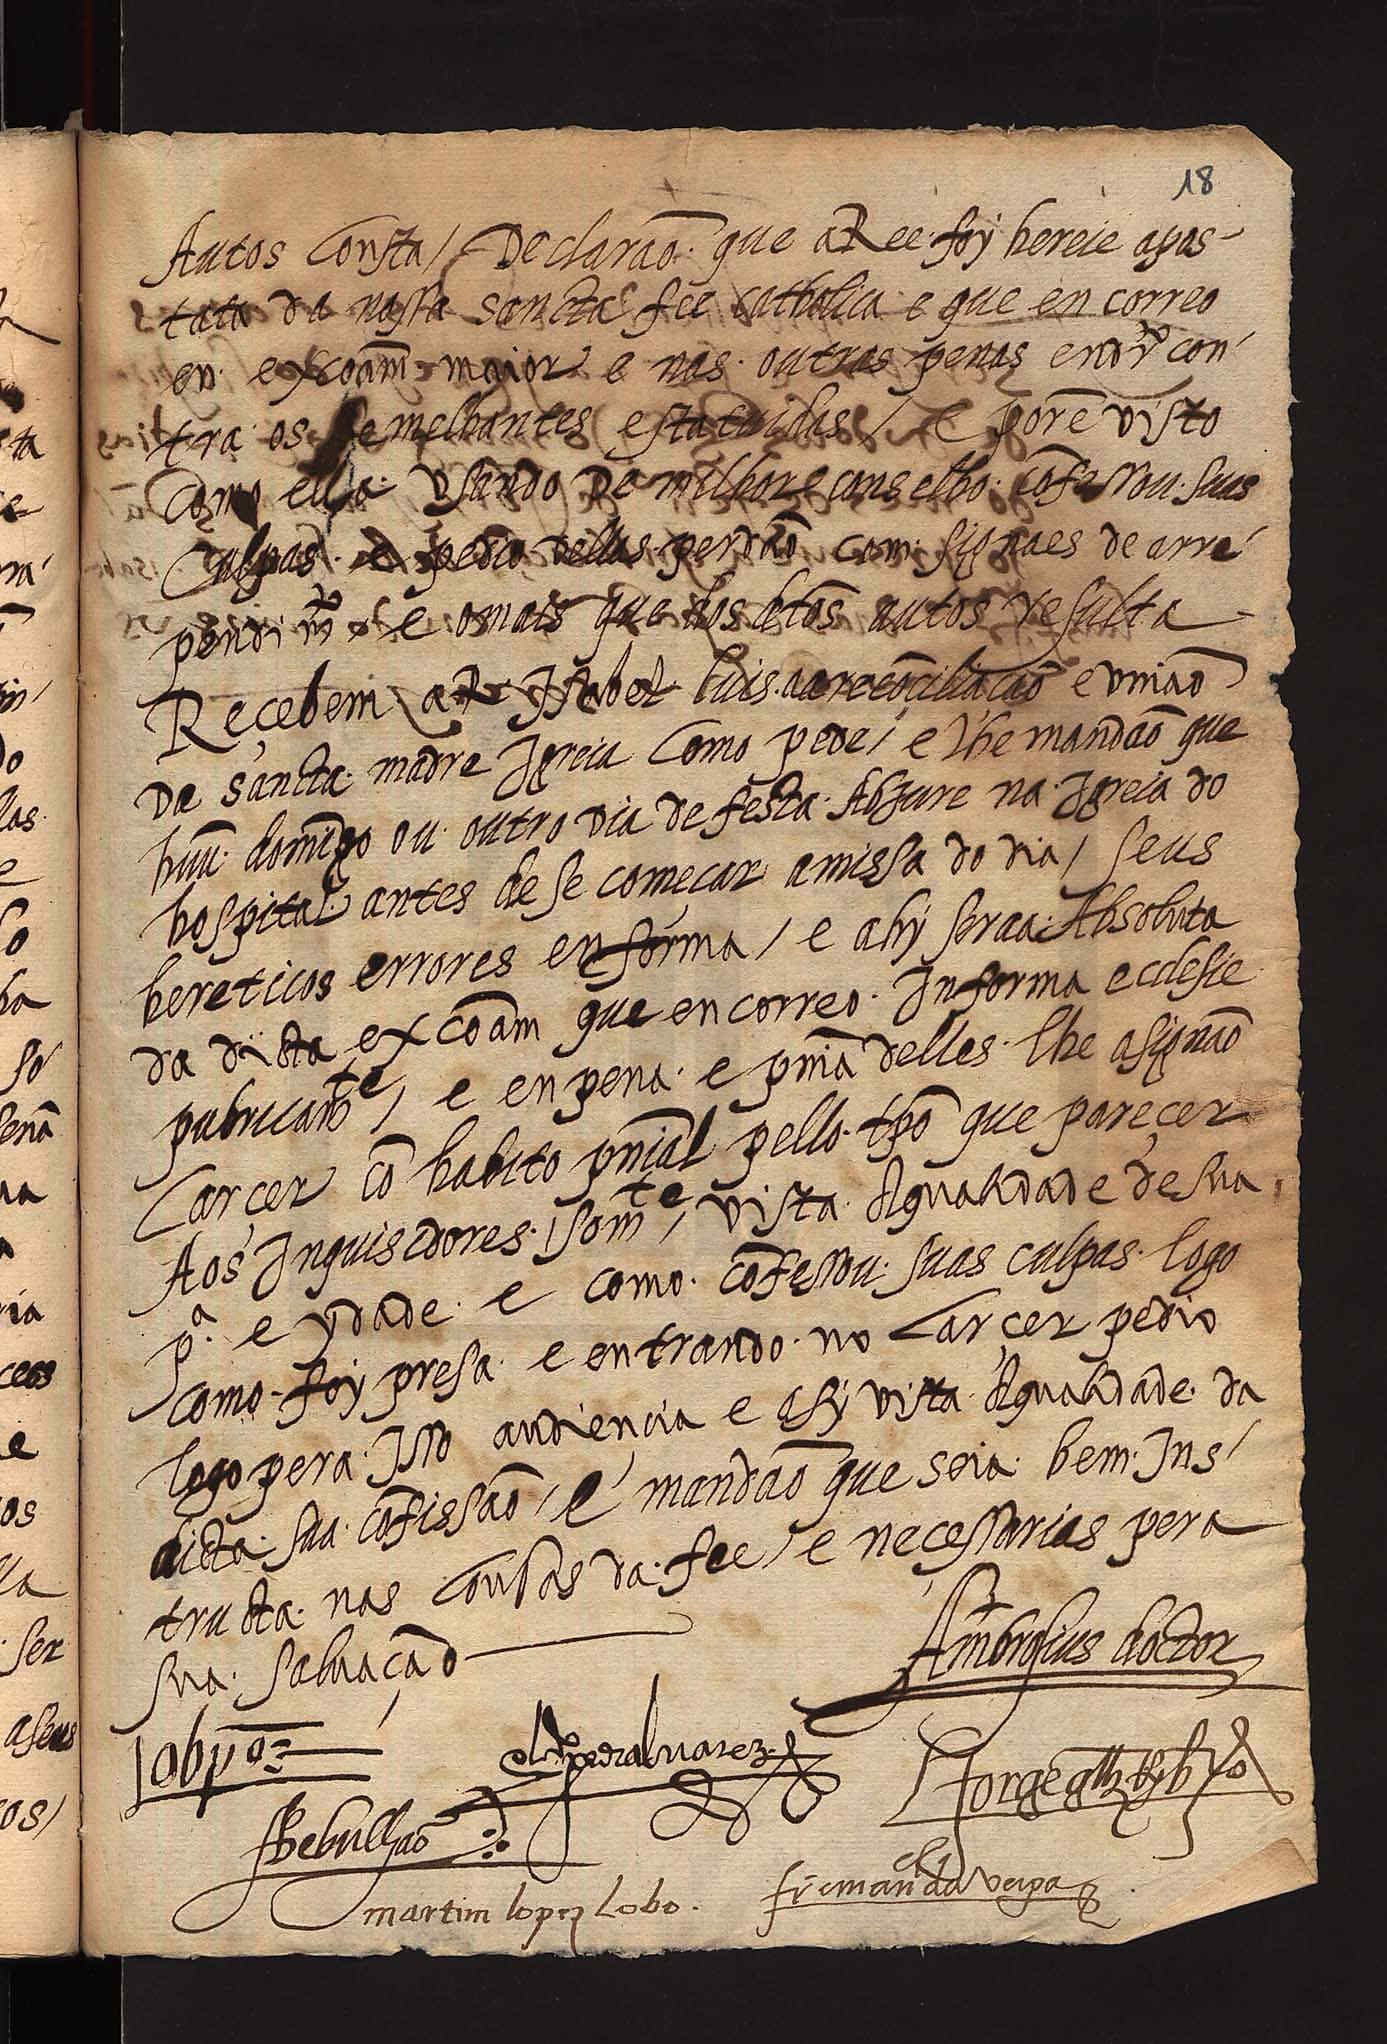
Autos consta/ Declarão que a Ree foy hereie apos
tata da nossa sancta fee catholica e que encorreo
en excoām maior e nas outras penas en drto con
tra os semelhantes estatuidas / e porē visto
como ella vsando De milhor conselho cōfessou suas
Culpas e pedio dellas perdão com signaes de arre
pendimto e o mais que dos dtos autos resulta
Recebem a Re Jsabel luis aa recōciliaçaõ e vnião
Da sancta madre Jgreia Como pede / e lhe mandão que
hūu domīgo ou outro dia de festa Abjure na Igreia do
hospitaL antes de se começar a missa do dia / seus
hereticos errores en forma / e ahy seraa Absoluta
da dicta excōam que encorreo Jn forma ecclesie
pubricamte / e en pena e pn̄ia delles lhe asign̄ao
Carcer cō habito pn̄iaL pello tp̄o que parecer
Aos Jnquisidores / somte / vista A qualidade de sua
p.a e ydade e como cōfessou suas culpas logo
como foy presa e entrando no Carcer pedio
logo pera Jsso audiencia e asy vista A qualidade da
dicta sua cōfissão / e mandão que seia bem Ins
tructa nas cousas da fee / e necessarias pera
sua saluação
Ambrosius doctor
Ldo pedraluarez
o bp̄o
Jorge ḡllz Rybro
bulhaõ
fr̄ emanuel da veiga
martim lopez Lobo
